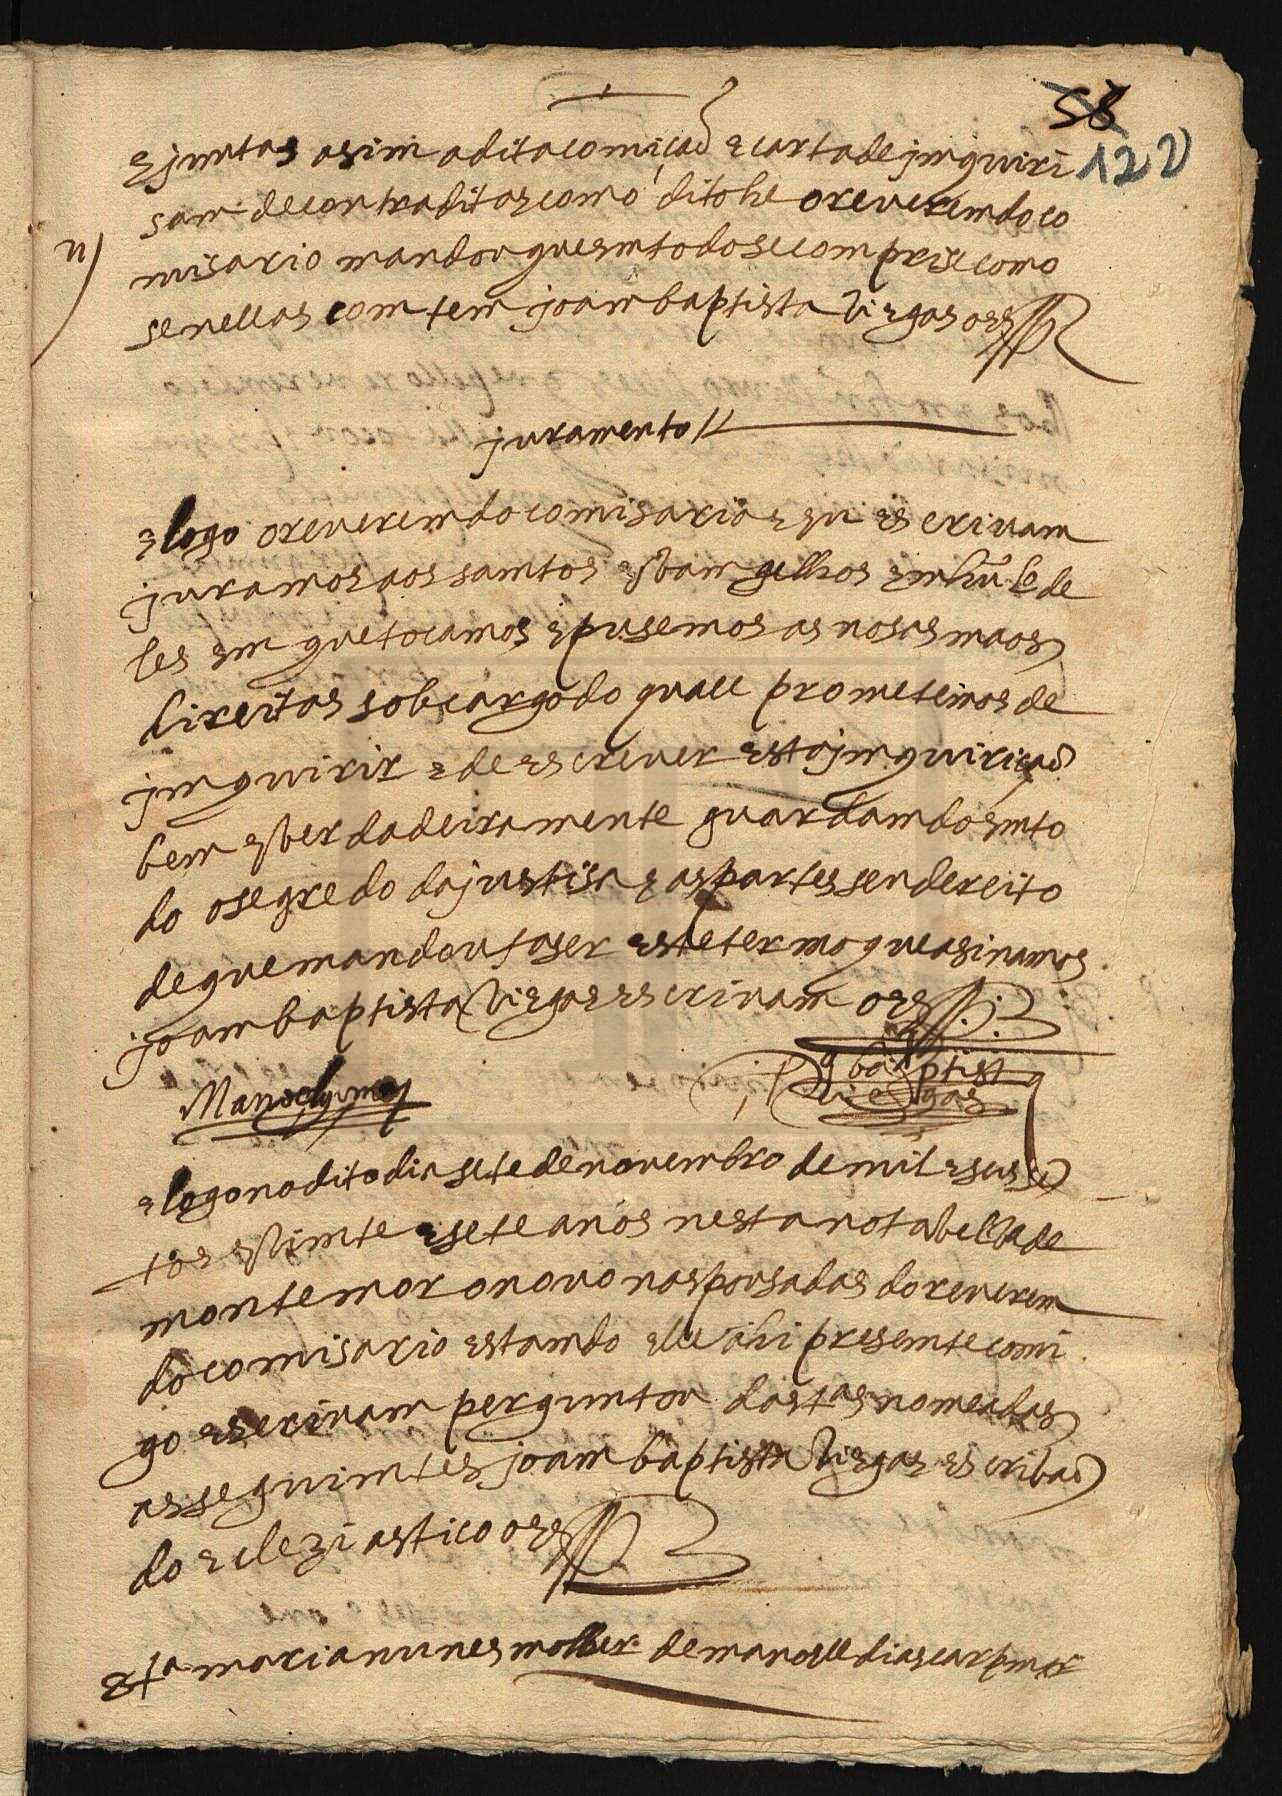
E juntas asim a dita comiçaõ E carta de jmquiri
sam de contraditas como dito he o reueremdo co
misario mandou que Em todo se comprise como
se nellas comtem joam baptista viegas o Estp̄j
juramento // -
E logo o reueremdo comisario E Eu Escriuam
juramos aos samtos Evamgelhos Em hū Lo de
les Em que tocamos E pusemos as nosas maos
direitas sob cargo do quall prometemos de
jmquirir E de Escreuer Esta jmquiriçaõ
bem E verdadeiramente guardamdo Em to
do o segredo da justisa E as partes seu dereito
de que mandou fazer Este termo que asinamos
joam baptista viEgas Escriuam o Estp̄j
E logo no dito dia sete de nouembro de mil E seiscē
tos E vimte E sete anos nesta notavel va de
montemor o nouo nas pousadas do reuerem
do comisario Estamdo Elle ahi presemte comi
go Escriuam perguntou das tas nomeadas
as seguimtes joam baptista viEgas Escrivaõ
do Ecleziastico o Estp̄j
E ta maria nunes molher de manoell dias carpintro
